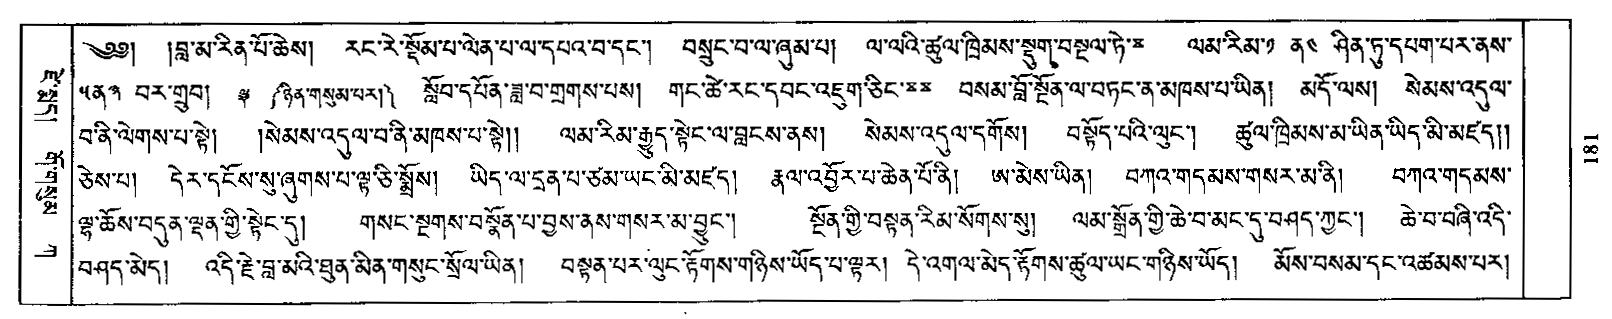༄༅། །བླ་མ་རིན་པོ་ཆེས། རང་རེ་སྡོམ་པ་ལེན་པ་ལ་དཔའ་བ་དང་། བསྲུང་བ་ལ་ཞུམ་པ། ལ་ལའི་ཚུལ་ཁྲིམས་སྡུག་བསྔལ་ཏེ་ལམ་རིམ ༡་ན ༤་ཤིན་ཏུ་དཔག་པར་ནས་
༥་ན ༣་བར་གྲུབ། ༈ ཉིན་གསུམ་པར།?་སློབ་དཔོན་ཟླ་བ་གྲགས་པས། གང་ཚེ་རང་དབང་འཇུག་ཅིང་བསམ་བློ་སྔོན་ལ་བཏང་ན་མཁས་པ་ཡིན། མདོ་ལས། སེམས་འདུལ་
བ་ནི་ལེགས་པ་སྟེ། །སེམས་འདུལ་བ་ནི་མཁས་པ་སྟེ།། ལམ་རིམ་རྒྱུད་སྟེང་ལ་བླངས་ནས། སེམས་འདུལ་དགོས། བསྟོད་པའི་ལུང་། ཚུལ་ཁྲིམས་མ་ཡིན་ཡིད་མི་མཛད།།
ཅེས་པ། དེར་དངོས་སུ་ཞུགས་པ་ལྟ་ཅི་སྨྲོས། ཡིད་ལ་དྲན་པ་ཙམ་ཡང་མི་མཛད། རྣལ་འབྱོར་པ་ཆེན་པོ་ནི། ཨ་མེས་ཡིན། བཀའ་གདམས་གསར་མ་ནི། བཀའ་གདམས་
ལྷ་ཆོས་བདུན་ལྡན་གྱི་སྟེང་དུ། གསང་སྔགས་བསྣོན་པ་བྱས་ནས་གསར་མ་བྱུང་། སྔོན་གྱི་བསྟན་རིམ་སོགས་སུ། ལམ་སྒྲོན་གྱི་ཆེ་བ་མང་དུ་བཤད་ཀྱང་། ཆེ་བ་བཞི་འདི་
བཤད་མེད། འདི་རྗེ་བླ་མའི་ཐུན་མིན་གསུང་སྲོལ་ཡིན། བསྟན་པར་ལུང་རྟོགས་གཉིས་ཡོད་པ་ལྟར། དེ་འགལ་མེད་རྟོགས་ཚུལ་ཡང་གཉིས་ཡོད། མོས་བསམ་དང་འཚམས་པར།